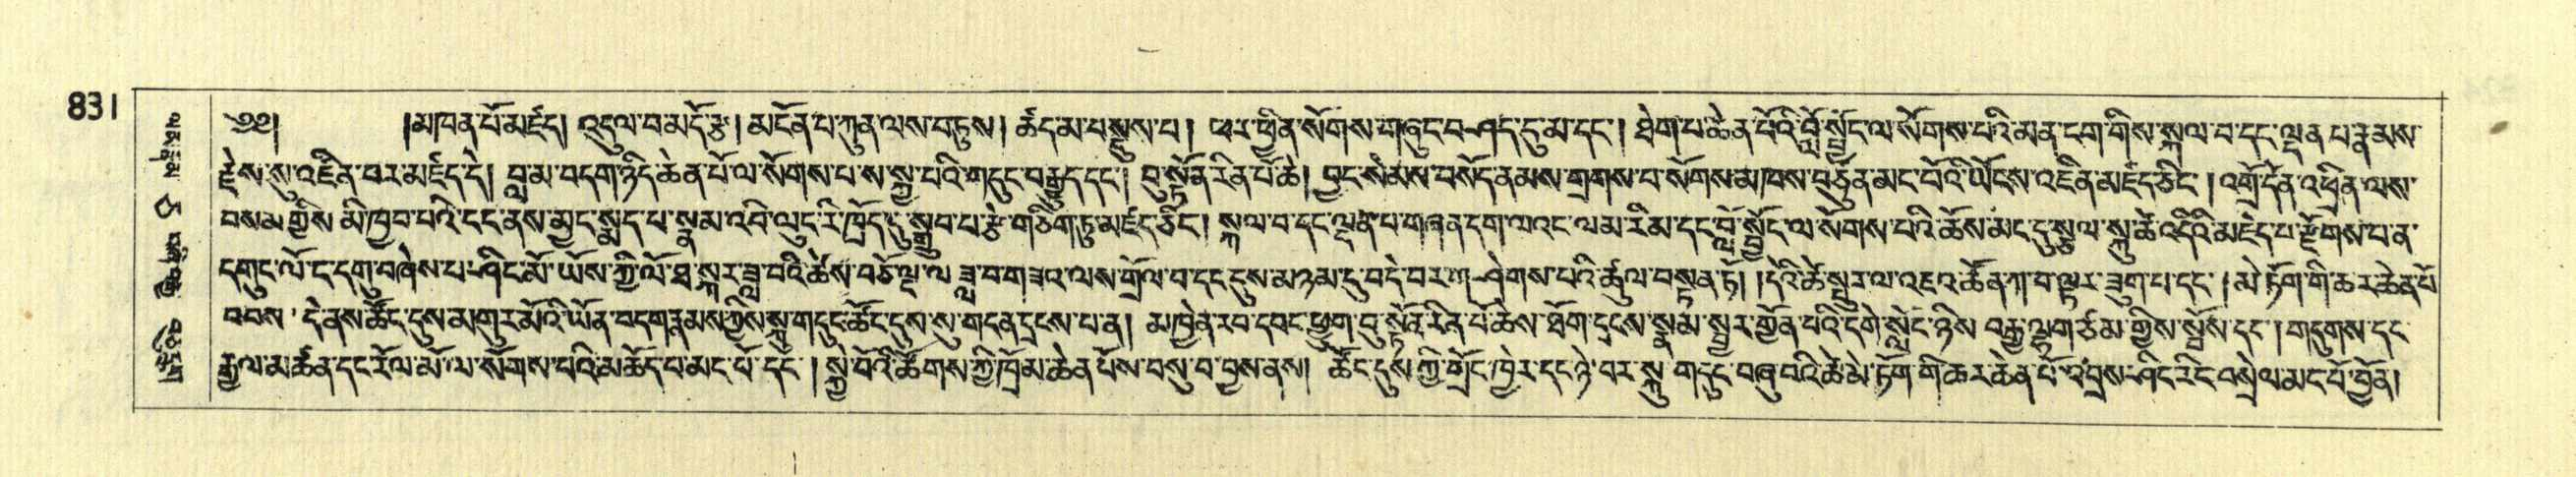༄༅། །མཁན་པོ་མཛད། འདུལ་བ་མདོ་རྩ། མངོན་པ་ཀུན་ལས་བཏུས། ཚད་མ་བསྡུས་པ། ཕར་ཕྱིན་སོགས་གཞུང་བཤད་དུ་མ་དང་། ཐེག་པ་ཆེན་པོའི་བློ་སྤྱོང་ལ་སོགས་པའི་མན་ངག་གིས་སྐལ་བ་དང་ལྡན་པ་རྣམས་
རྗེས་སུ་འཛིན་བར་མཛད་དེ། བླ་མ་བདག་ཉིད་ཆེན་པོ་ལ་སོགས་པ་ས་སྐྱ་པའི་གདུང་བརྒྱུད་དང་། བུ་སྟོན་རིན་པོ་ཆེ། བྱང་སེམས་བསོད་ནམས་གྲགས་པ་སོགས་མཁས་བཙུན་མང་བོའི་ཡོངས་འཛིན་མཛད་ཅིང་། འགྲོ་དོན་འཕྲིན་ལས་
བསམ་གྱིས་མི་ཁྱབ་པའི་ངང་ནས་མྱང་སྨད་པ་སྣམ་འབི་ལུང་རི་ཁྲོད་དུ་སྒྲུབ་པ་རྩེ་གཅིག་ཏུ་མཛད་ཅིང་། སྐལ་བ་དང་ལྡན་བ་གཞན་དག་ལའང་ལམ་རིམ་དང་བློ་སྦྱོང་ལ་སོགས་པའི་ཆོས་མང་དུ་སྩལ་སྐུ་ཚེ་འདིའི་མཇེད་པ་རྫོགས་པ་ན་
དགུང་ལོ་ང་དགུ་བཞེས་པ་ཤིང་མོ་ཡོས་ཀྱི་ལོ་ཐ་སྐར་ཟླ་བའི་ཚེས་བཅོ་ལྔ་ལ་ཟླ་བ་གཟའ་ལས་གྲོལ་བ་དང་དུས་མཉམ་དུ་བདེ་བར་གཤེགས་པའི་ཚུལ་བསྟན་ཏོ། །དེའི་ཚེ་སྤུགས་ལ་འཇའ་ཚོན་ཀ་བ་ལྟར་ཟུག་པ་དང་། མེ་ཏོག་གི་ཆར་ཆེན་པོ་
བབས་དེ་ནས་ཚོང་དུས་མགུར་མོའི་ཡོན་བདག་རྣམས་ཀྱིས་སྐུ་གདུང་ཚོང་དུས་སུ་གདན་དྲངས་པ་ན། མཁྱེན་རབ་དབང་ཕྱུག་བུ་སྟོན་རིན་པོ་ཆེས་ཐོག་དྲངས་སྣམ་སྦྱར་གྱོན་པའི་དགེ་སློང་ཉིས་བརྒྱ་ལྷག་ཙམ་གྱིས་སྤོས་དང་། གདུགས་དང་
རྒྱལ་མཚན་དང་རོལ་མོ་ལ་སོགས་པའི་མཆོད་པ་མང་པོ་དང་། སྐྱེ་བོའི་ཚོགས་ཀྱི་ཁྲོམ་ཆེན་པོས་བསུ་བ་བྱས་ནས། ཚོང་དུས་ཀྱི་གྲོང་ཁྱེར་དང་ཉེ་བར་སྐུ་གདུང་བཞུ་བའི་ཚེ་མེ་ཏོག་གི་ཆར་ཆེན་པོ་འབྲས་ཤིང་རིང་བསྲེལ་མང་པོ་བྱོན།